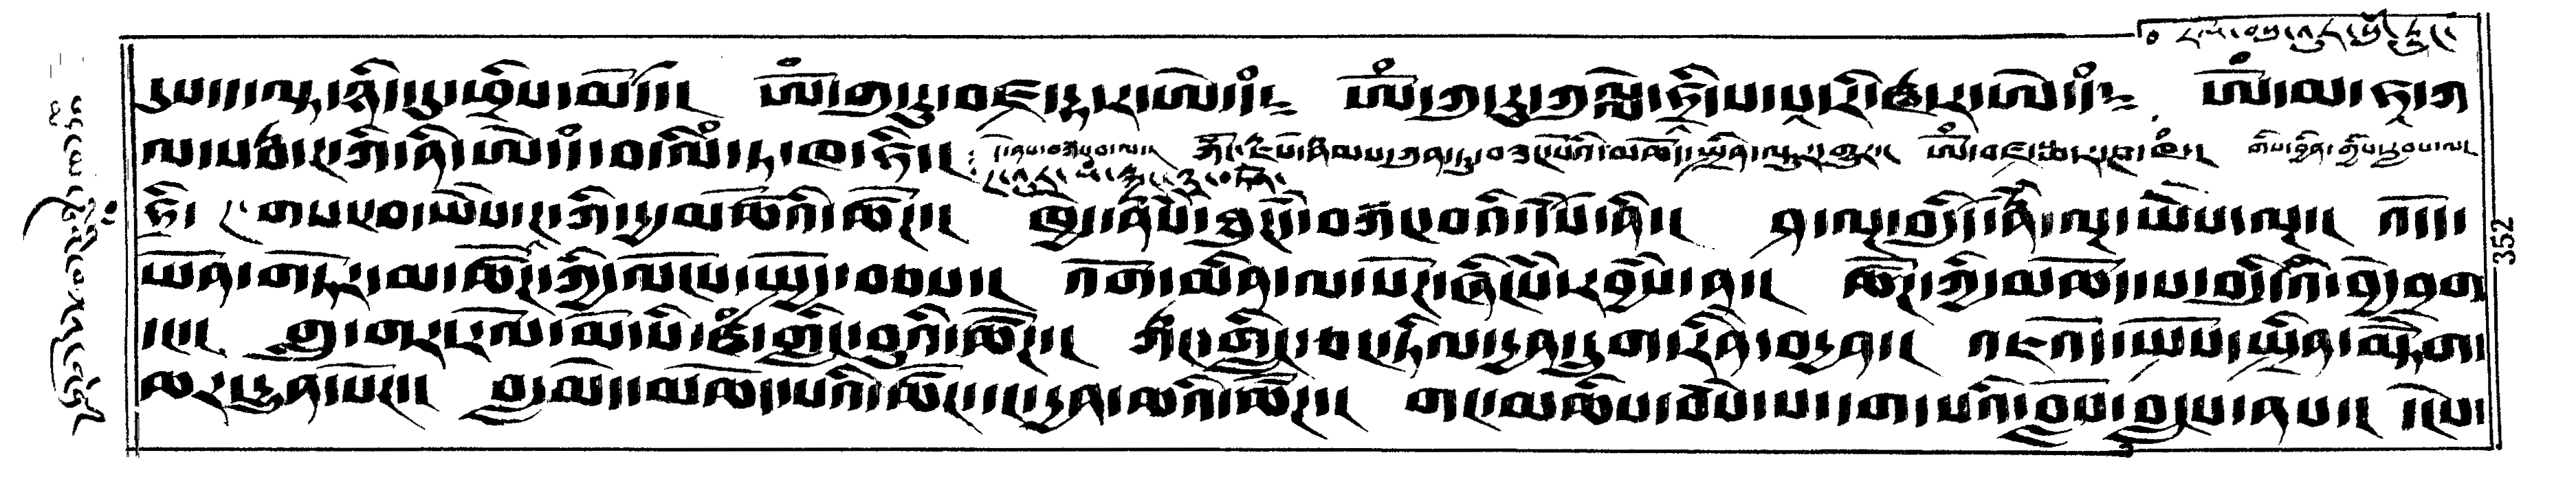།དུས་ད་ལྟ་ཉིད་དུ་ཕྲིནལས་མཛོད། །ཨོཾ་གུ་རུ་བཛྲ་དྷ་ར་ཨོ་དཾ༴ ཨོཾ་ཀུ་རུ་ཀུལླེ་ཧྲཱི་ས་པཱ་རི་ཝ་ར་ཨེ་དཾ༴ ཨོཾ་མ་ཧཱ་ཀ་
ལ་སརྦ་ཌ་ཀི་ནི་ཨེ་དཾ་བ་ལིཾ་ཏ་ཁ་ཧི། དེ་ནས་བསྐང་བ་ལ། སྐོང་རྫས་རྣམས་ཀུན་ཏུ་བཟང་པོའི་མཆོད་སྤྲིན་ལྟ་བུར་གྱུར། ཨོཾ་བཛྲ་སྥ་རཎ་ཁཾ གིས་བྱིན་གྱིས་རླབས་ལ། 
ཧྲི། གསང་བ་ཡེ་ཤེས་ཌཱ་ཀི་རྒྱ་མཚོའི་ཚོགས། །ཁྱེད་རྣམས་ཐུགས་དམ་བསྐང་བའི་དམ་རྫས་ནི། །ཤ་ལྔ་བདུད་རྩི་རྣམ་ལྔ་ཡེ་ཤེས་ལྔ། །འདོད་
ཡོན་གཏོར་མ་ཚོགས་ཀྱི་ལོངས་སྤྱོད་བཅས། །འོག་མིན་ལ་སོགས་ཞིང་ཁམས་རབ་འབྱམས་ན། །ཚོགས་ཀྱི་མཆོད་པ་བདུད་རྩིའི་བྱེ་བྲག་
དང་། །གླུ་གར་རོལ་མོ་པི་ཝཾ་གླིང་བུའི་ཚོགས། །རྐང་གླིང་ཅང་ཏེའུ་རྒྱན་དྲུག་རིན་ཆེན་རྒྱན། །འཇའ་འོད་སྤོས་སྤྲིན་མེ་ཏོག་
ཆར་རྒྱུན་སོགས། །བླ་མེད་མཆོད་པའི་ཚོགས་དང་རྒྱན་ཆའི་ཚོགས། །གང་མཆིས་བསམ་པ་དག་པའི་བློས་བླངས་ནས། །དེང་